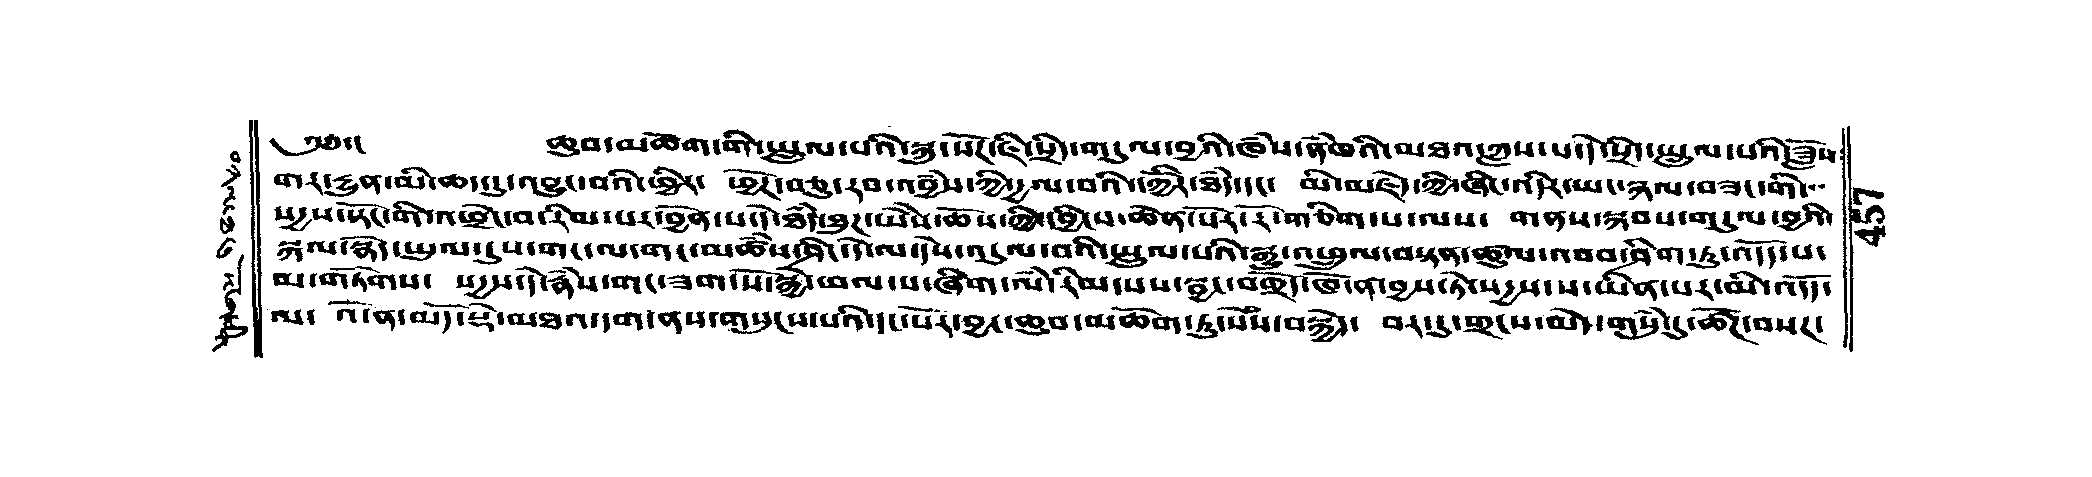ཆུབ་མཆོག་གི་སྤྲུལ་པའི་སྐུ་སོགས་ཇི་སྲིད་གདུལ་བྱའི་ཁམས་ནམ་མཁའི་མཐའ་ཀླས་པ་དེ་སྲིད་སྤྲུལ་པའི་ཟློས་
གར་རྒྱུན་མི་ཆད་དུ་འབྱུང་བའི་ཕྱིར། ཕྱོགས་བཅུ་རབ་འབྱམས་ཀྱི་རྒྱལ་བའི་དཀྱིལ་འཁོར་ཐམས་ཅད་དང་། མི་མཇེད་ཀྱི་ཞིང་འདིར་ཡང་བསྐལ་བཟང་གི་
སངས་རྒྱས་སྟོང་གི་འཕྲེང་བ་རིམ་པར་བྱོན་པ་དེ་ཐམས་ཅད་ཐུགས་ཡེ་ཤེས་ཆོས་ཀྱི་དབྱིངས་ཆེན་པོར་རོ་གཅིག་པ་ལས། གནས་སྐབས་གདུལ་བྱའི་
སྐལ་སྣོད་ཡུལ་དུས་གང་ལ་གང་འཚམས་ཤིང་དེ་ལ་དེས་འདུལ་བའི་སྤྲུལ་པའི་སྒྱུ་འཕྲུལ་བསྟན་ཚུལ་འབབ་ཤིག་ཏུ་འདོད་པ་
མ་གཏོགས། སངས་རྒྱས་དེ་རྣམས་གང་ཟག་སོ་སྐྱེ་ཕལ་པ་ཞིག་ལམ་རིམ་པས་སྦྱང་བགྲོད་ཁོ་ན་བྱས་ཏེ་སངས་རྒྱས་པ་ཡིན་པར་མི་འདོད་
ལ། འོ་ན་མདོ་སྡེ་མཐའ་དག་ནས་གསུངས་པའི་དང་པོར་བྱང་ཆུབ་མཆོག་ཏུ་སེམས་བསྐྱེད། བར་དུ་གྲངས་མེད་གསུམ་དུ་ཚོགས་བསགས་